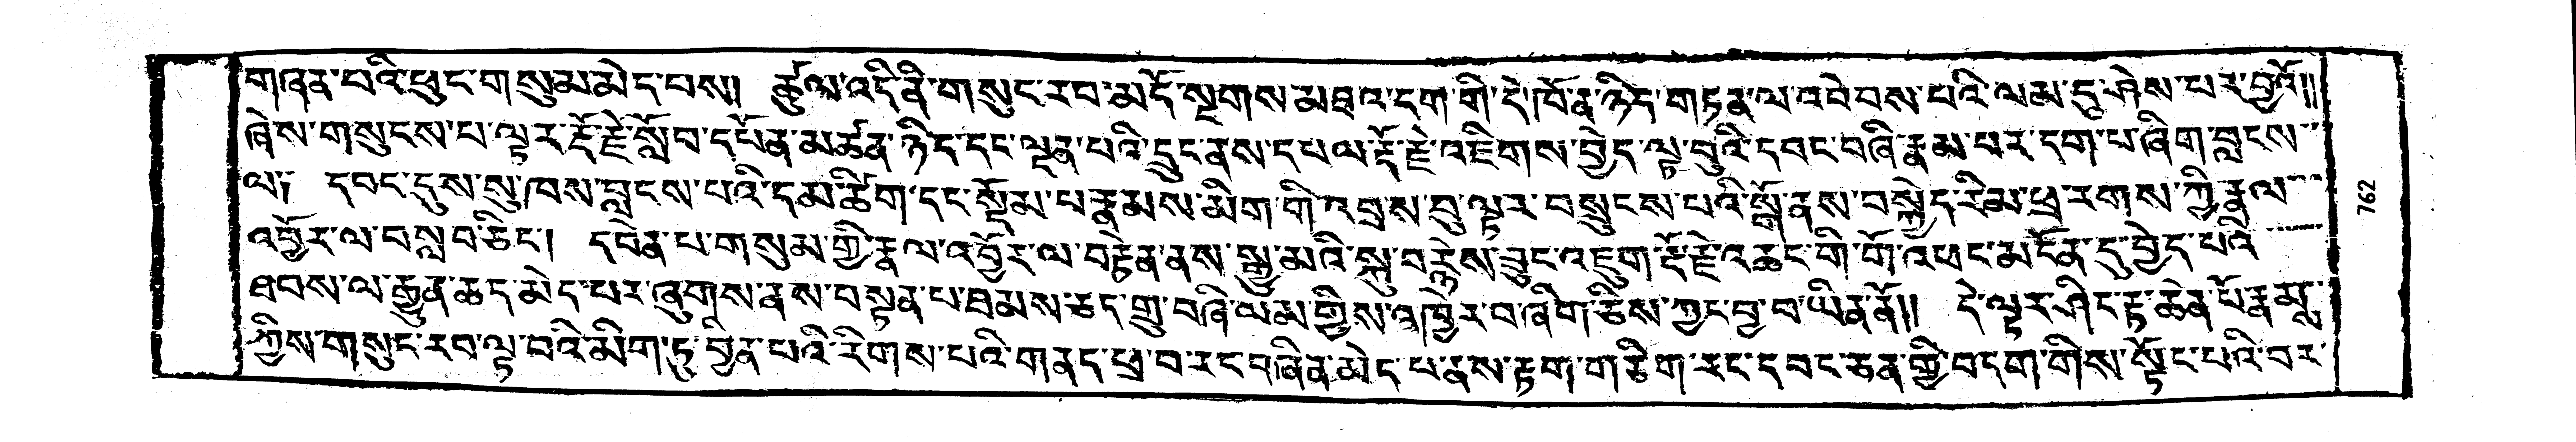གཞན་པའི་ཕུང་གསུམ་མེད་པས། ཚུལ་འདི་ནི་གསུང་རབ་མདོ་སྔགས་མཐའ་དག་གི་དེ་ཁོ་ན་ཉིད་གཏན་ལ་འབེབས་པའི་ལམ་དུ་ཤེས་པར་བྱའོ།།
ཞེས་གསུངས་པ་ལྟར་རྡོ་རྗེ་སློབ་དཔོན་མཚན་ཉིད་དང་ལྡན་པའི་དྲུང་ནས་དཔལ་རྡོ་རྗེ་འཇིགས་བྱེད་ལྟ་བུའི་དབང་བཞི་རྣམ་པར་དག་པ་ཞིག་བླངས་
ལ༑ དབང་དུས་སུ་ཁས་བླངས་པའི་དམ་ཚིག་དང་སྡོམ་པ་རྣམས་མིག་གི་འབྲས་བུ་ལྟར་བསྲུངས་པའི་སྒོ་ནས་བསྐྱེད་རིམ་ཕྲ་རགས་ཀྱི་རྣལ་
འབྱོར་ལ་བསླབ་ཅིང་། དབེན་པ་གསུམ་གྱི་རྣལ་འབྱོར་ལ་བརྟེན་ནས་སྒྱུ་མའི་སྐུ་བརྙེས་ཟུང་འཇུག་རྡོ་རྗེ་འཆང་གི་གོ་འཕང་མངོན་དུ་བྱེད་པའི་
ཐབས་ལ་རྒྱུན་ཆད་མེད་པར་ཞུགས་ནས་བསྟན་པ་ཐམས་ཅད་གྲུ་བཞི་ལམ་གྱིས་འཁྱེར་བ་ཞིག་ཅིས་ཀྱང་བྱ་བ་ཡིན་ནོ།། དེ་ལྟར་ཤིང་རྟ་ཆེན་པོ་རྣམས་
ཀྱིས་གསུང་རབ་ལྟ་བའི་མིག་ཏུ་བྱིན་པའི་རིགས་པའི་གནད་ཕྲ་བ་རང་བཞིན་མེད་པ་ནས་རྟག་གཅིག་རང་དབང་ཅན་གྱི་བདག་གིས་སྟོང་པའི་བར་